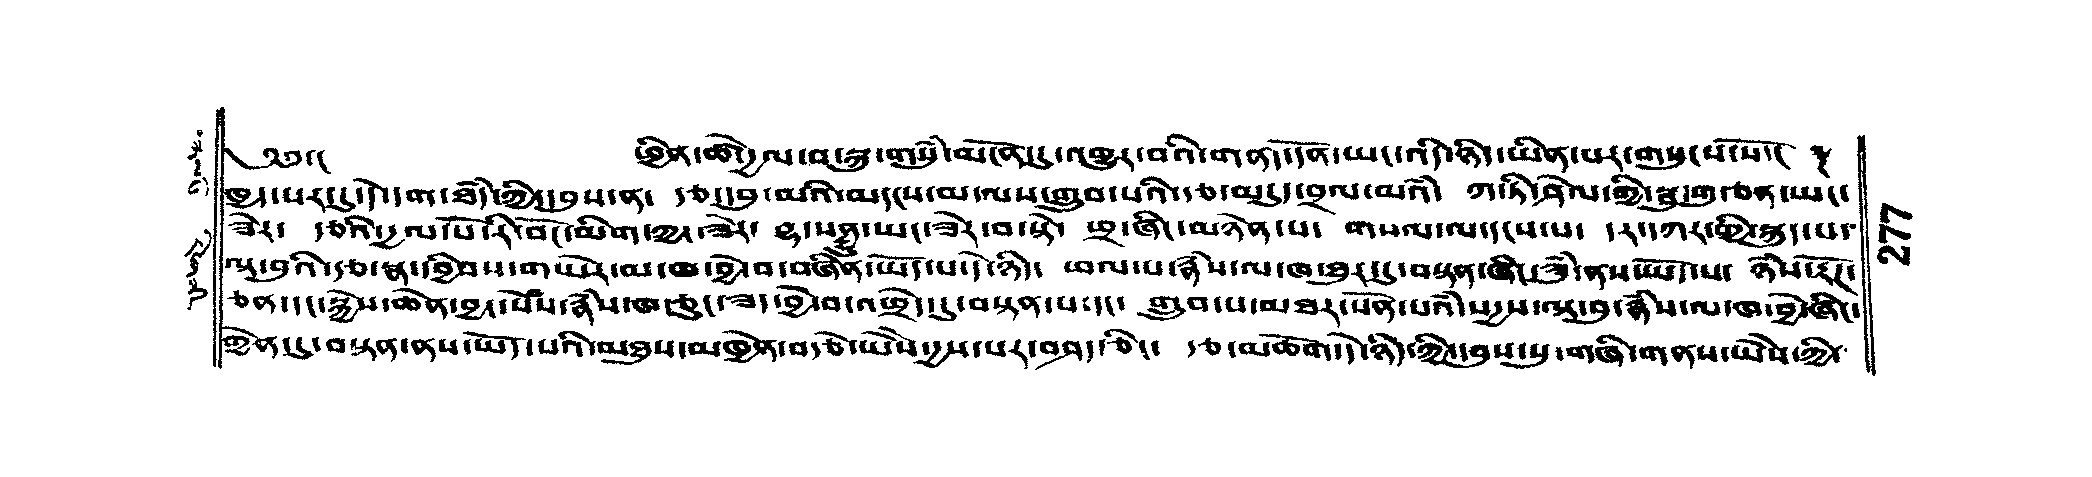ཕྱིན་ཚེ་རྒྱལ་བ་སྐུ་གསུམ་མངོན་དུ་འགྱུར་བའི་གནད་དོན་ཡང་འདི་ཉིད་ཡིན་པར་གསུངས་སོ། ༈ 
ཁྱད་པར་དུ་དེ་དག་ཐམས་ཅད་ཀྱི་དབུས་ན། རྩ་དབུ་མའི་དྭངས་མ་ལས་གྲུབ་པའི་རྩ་མདུད་བྲལ་མའམ། ཀ་ཏི་ཤེལ་གྱི་སྦུ་གུ་ཅན་ཡང་
ཟེར། རྩའི་རྒྱལ་པོ་རི་བོང་མིག་ཀྱང་ཟེར། བྷ་སནྡྷཱུ་ཡང་ཟེར་བ་སྟེ། ཕྲ་ཞིང་མཉེན་པ། གསལ་ལ་དྭངས་པ། དར་དཀར་གྱི་སྐུད་པ་
ལྟ་བུའི་རྩ་སྣ་དབྱིབས་གཡེར་མ་ཁ་བྱེ་བ་བཞིན་ཡོད་པ་དེ་ཉིད། ཕལ་པ་རྣམས་ལ་ཁ་ཐུར་དུ་བསྟན་ཞིང་ཟུམ་ནས་ཡོད་པ། ཉམས་རྟོགས་
ཅན་དང་སྐྱེས་ཆེན་བྱང་སེམས་རྣམས་ཁ་ཅུང་ཟད་བྱེ་བ་འཕྲེད་དུ་བསྟན་པ་དང་། གྲུབ་པ་མཐར་སོན་པའམ་སངས་རྒྱས་ལྟ་བུ་རྣམས་ལ་ཁ་བྱེ་ཞིང་
གྱེན་དུ་བསྟན་ནས་ཡོད་པའི་མཐུས་མཁྱེན་བརྩེ་ཡེ་ཤེས་རྒྱས་པར་བཤད་ཅིང་། རྩ་མཆོག་དེ་ཉིད་ཀྱི་དབུས་སུ་གཞི་གནས་ཡེ་ཤེས་ཀྱི་